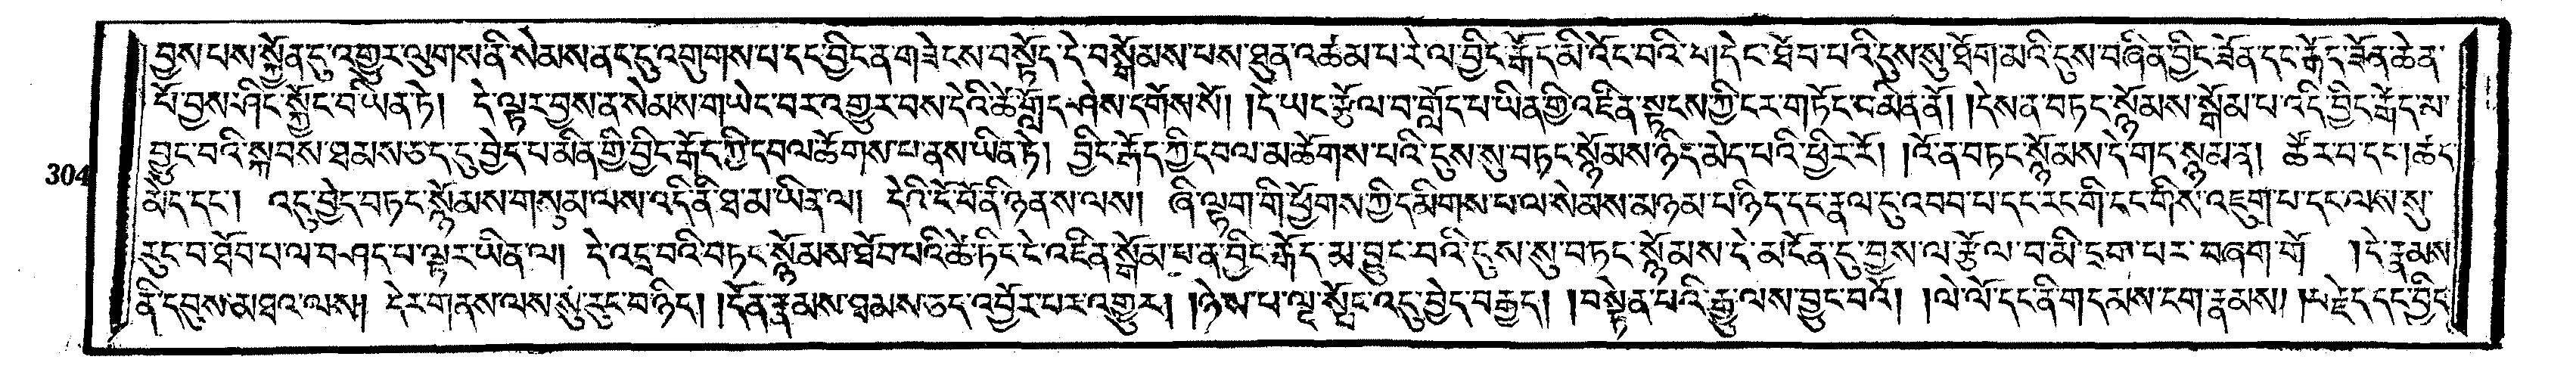བྱས་པས་སྐྱོན་དུ་འགྱུར་ལུགས་ནི་སེམས་ནང་དུ་འགུགས་པ་དང་བྱིང་ན་གཟེངས་བསྟོད་དེ་བསྒོམས་པས་ཐུན་འཚམ་པ་རེ་ལ་བྱིང་རྒོད་མི་འོང་བའི་གདེང་ཐོབ་པའི་དུས་སུ་ཐོག་མའི་དུས་བཞིན་བྱིང་ཟོན་དང་རྒོད་ཟོན་ཆེན་
པོ་བྱས་ཤིང་སྐྱོང་བ་ཡིན་ཏེ། དེ་ལྟར་བྱས་ན་སེམས་གཡེང་བར་འགྱུར་བས་དེའི་ཚེ་གློད་ཤེས་དགོས་སོ། །དེ་ཡང་རྩོལ་བ་གློད་པ་ཡིན་གྱི་འཛིན་སྟངས་ཀྱི་ངར་གཏོང་བ་མིན་ནོ། །དེས་ན་བཏང་སྙོམས་སྒོམ་པ་འདི་བྱིང་རྒོད་མ་
བྱུང་བའི་སྐབས་ཐམས་ཅད་དུ་བྱེད་པ་མིན་གྱི་བྱིང་རྒོད་ཀྱི་དབལ་ཆོགས་པ་ནས་ཡིན་ཏེ། བྱིང་རྒོད་ཀྱི་དབལ་མ་ཆོགས་པའི་དུས་སུ་བཏང་སྙོམས་ཉིད་མེད་པའི་ཕྱིར་རོ། །འོ་ན་བཏང་སྙོམས་དེ་གང་སྙམ་ན། ཚོར་བ་དང་། ཚད་
མེད་དང་། འདུ་བྱེད་བཏང་སྙོམས་གསུམ་ལས་འདི་ནི་ཐ་མ་ཡིན་ལ། དེའི་ངོ་བོ་ནི་ཉན་ས་ལས། ཞི་ལྷག་གི་ཕྱོགས་ཀྱི་དམིགས་པ་ལ་སེམས་མཉམ་པ་ཉིད་དང་རྣལ་དུ་འབབ་པ་དང་རང་གི་ངང་གིས་འཇུག་པ་དང་ལས་སུ་
རུང་བ་ཐོབ་པ་ལ་བཤད་པ་ལྟར་ཡིན་ལ། དེ་འདྲ་བའི་བཏང་སྙོམས་ཐོབ་པའི་ཚེ་ཏིང་ངེ་འཛིན་སྒོམ་པ་ན་བྱིང་རྒོད་མ་བྱུང་བའི་དུས་སུ་བཏང་སྙོམས་དེ་མངོན་དུ་བྱས་ལ་རྩོལ་བ་མི་དྲག་པར་བཞག་གོ །དེ་རྣམས་
ནི་དབུས་མཐའ་ལས། དེར་གནས་ལས་སུ་རུང་བ་ཉིད། །དོན་རྣམས་ཐམས་ཅད་འབྱོར་པར་འགྱུར། །ཉེས་པ་ལྔ་སྤོང་འདུ་བྱེད་བརྒྱད། །བསྟེན་པའི་རྒྱུ་ལས་བྱུང་བའོ། །ལེ་ལོ་དང་ནི་གདམས་ངག་རྣམས། །བརྗེད་དང་བྱིང་